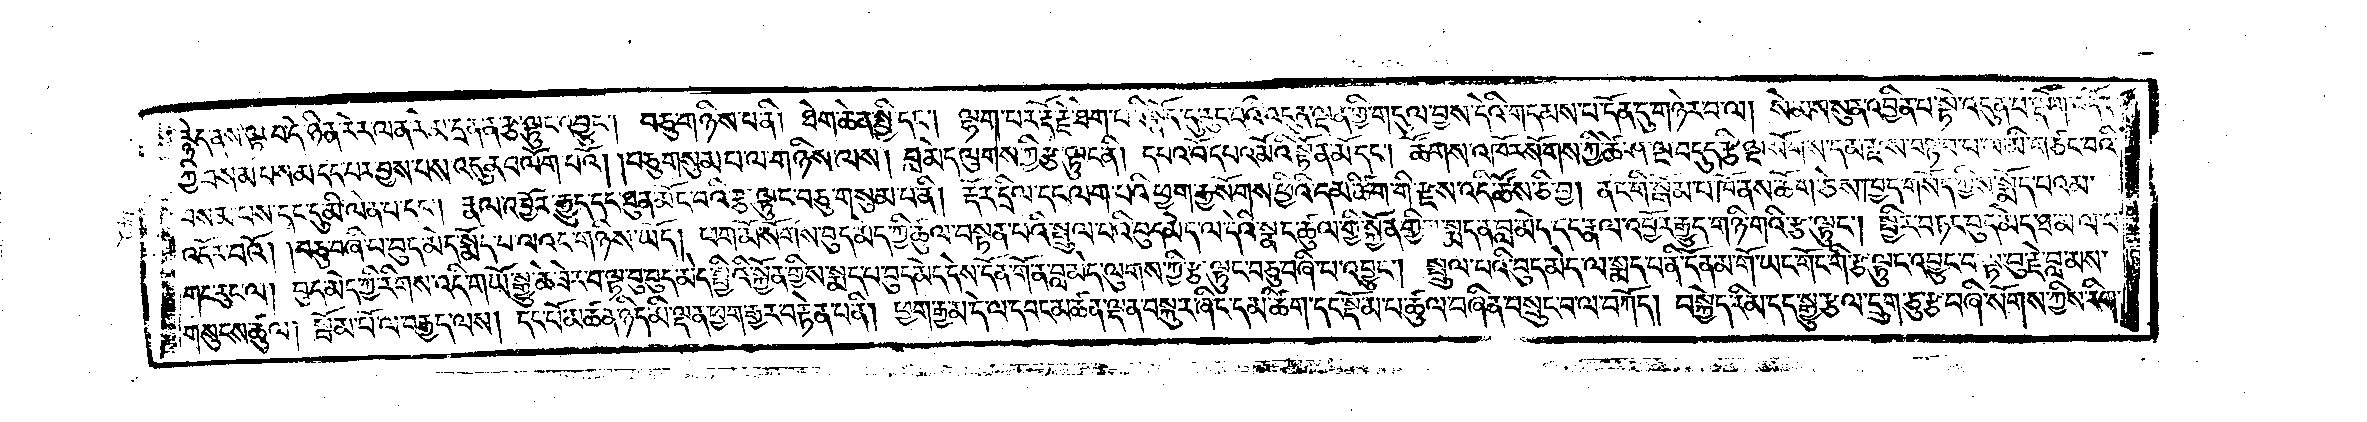རྙེད་ནས་ལྟ་བ་དེ་ཉིན་རེར་ལན་རེ་མ་དྲན་ན་རྩ་ལྟུང་འབྱུང་། བཅུ་གཉིས་པ་ནི། ཐེག་ཆེན་སྤྱི་དང་། ལྷག་པར་རྡོ་རྗེ་ཐེག་པའི་སྣོད་དུ་རུང་བའི་འདུན་ལྡན་གྱི་གདུལ་བྱས་དེའི་གདམས་པ་དོན་དུ་གཉེར་བ་ལ། སེམས་སུན་འབྱིན་པ་སྟེ་འདུན་པ་ལྡོག་འདོད་
ཀྱི་བསམ་པས་མ་དད་པར་བྱས་པས་འདུན་པ་ལོག་པའོ། །བཅུ་གསུམ་པ་ལ་གཉིས་ལས། བླ་མེད་ལུགས་ཀྱི་རྩ་ལྟུང་ནི། དཔའ་བོ་དཔའ་མོའི་སྟོན་མོ་དང་། ཚོགས་འཁོར་སོགས་ཀྱི་ཚེ་ཤ་ལྔ་བདུད་རྩི་ལྔ་སོགས་དམ་རྫས་བསྟབ་པ་ལ་མི་གཙང་བའི་
བསམ་པས་དྭང་དུ་མི་ལེན་པ་དང་། རྣལ་འབྱོར་རྒྱུད་དང་ཐུན་མོང་བའི་རྩ་ལྟུང་བཅུ་གསུམ་པ་ནི། རྡོར་དྲིལ་དང་ལག་པའི་ཕྱག་རྒྱ་སོགས་ཕྱིའི་དམ་ཚིག་གི་རྫས་འདི་ཚོས་ཅི་བྱ། ནང་གི་སྒོམ་པ་ཁོ་ནས་ཆོག་ཅེས་ཁྱད་གསོད་ཀྱིས་སྨོད་པའམ་
འདོར་བའོ། །བཅུ་བཞི་པ་བུད་མེད་སྨོད་པ་ལའང་གཉིས་ཡོད། ཕག་མོ་སོགས་བུད་མེད་ཀྱི་ཚུལ་བསྟན་པའི་སྤྲུལ་པའི་བུད་མེད་ལ་དེའི་སྣང་ཚུལ་གྱི་སྐྱོན་གྱིས་སྨད་ན་བླ་མེད་དང་རྣལ་འབྱོར་རྒྱུད་གཉི་གའི་རྩ་ལྟུང་། སྤྱིར་བཏང་བུད་མེད་ཐ་མལ་པ་
གང་རུང་ལ། བུད་མེད་ཀྱི་རིགས་འདི་གཡོ་སྒྱུ་ཆེ་ཟེར་བ་ལྟ་བུ་བུད་མེད་སྤྱིའི་སྐྱོན་གྱིས་སྨད་པ་བུད་མེད་དེས་དོན་གོན་བླ་མེད་ལུགས་ཀྱི་རྩ་ལྟུང་བཅུ་བཞི་པ་འབྱུང་། སྤྲུལ་པའི་བུད་མེད་ལ་སྨད་པ་ནི་དོན་མ་གོ་ཡང་གོང་གི་རྩ་ལྟུང་འབྱུང་བ་ལྟ་བུ་རྗེ་བླ་མས་
གསུངས་ཚུལ། སྦོམ་པོ་ལ་བརྒྱད་ལས། དང་པོ་མཚན་ཉིད་མི་ལྡན་ཕྱག་རྒྱར་བརྟེན་པ་ནི། ཕྱག་རྒྱ་མ་དེ་ལ་དབང་མཚན་ལྡན་བསྐུར་ཞིང་དམ་ཚིག་དང་སྡོམ་པ་ཚུལ་བཞིན་བསྲུང་བ་ལ་བཀོད། བསྐྱེད་རིམ་དང་སྒྱུ་རྩལ་དྲུག་ཅུ་རྩ་བཞི་སོགས་ཀྱིས་རིག་